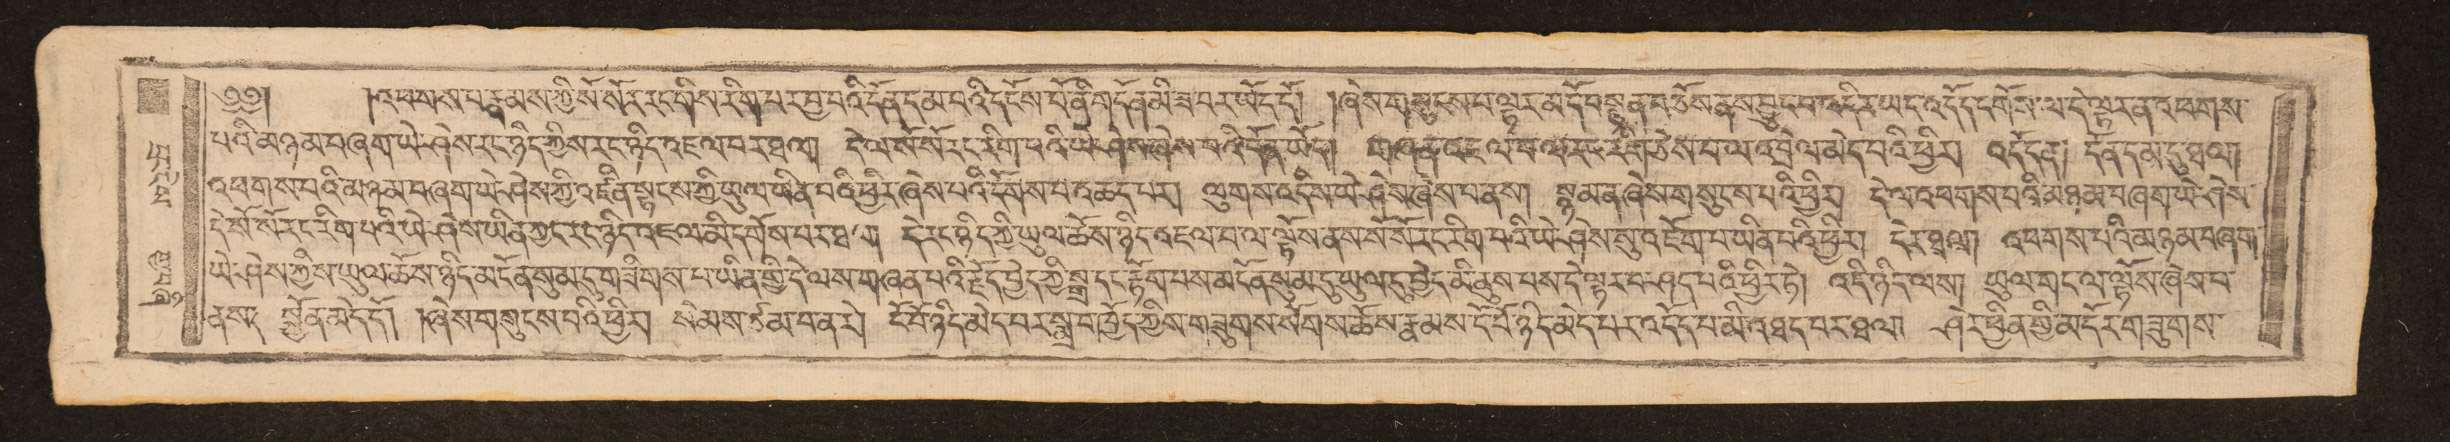༄༅། །འཕགས་པ་རྣམས་ཀྱི་སོ་སོར་རང་གིས་རིག་པར་བྱ་བའི་དོན་དམ་པའི་དངོས་པོ་ནི་གདོན་མི་ཟ་བར་ཡོད་དོ། །ཞེས་གསུངས་པ་ལྟར་མདོ་བསྟན་བཅོས་ནས་བྱུང་བ་འདིར་ཡང་འདོད་དགོས་ལ་དེ་ལྟར་ན་འཕགས་
པའི་མཉམ་བཞག་ཡེ་ཤེས་རང་ཉིད་ཀྱིས་རང་ཉིད་འཇལ་བར་ཐལ། དེ་ལ་སོ་སོ་རང་རིག་པའི་ཡེ་ཤེས་ཞེས་པའི་དོན་ཡོད། གཞན་འཇལ་བ་ལ་རང་རིག་ཅེས་པ་ལ་འབྲེལ་མེད་པའི་ཕྱིར། འདོད་ན། དོན་དམ་དུ་ཐལ།
འཕགས་པའི་མཉམ་བཞག་ཡེ་ཤེས་ཀྱི་འཛིན་སྟངས་ཀྱི་ཡུལ་ཡིན་པའི་ཕྱིར་ཞེས་པའི་དོགས་པ་འཆད་པར། ལུགས་འདིས་ཡེ་ཤེས་ཞེས་པ་ནས། སྙམ་ན་ཞེས་གསུངས་པའི་ཕྱིར། དེ་ལ་འཕགས་པའི་མཉམ་བཞག་ཡེ་ཤེས་
དེ་སོ་སོ་རང་རིག་པའི་ཡེ་ཤེས་ཡིན་ཀྱང་རང་ཉིད་འཇལ་མི་དགོས་པར་ཐལ། དེ་རང་ཉིད་ཀྱི་ཡུལ་ཆོས་ཉིད་འཇལ་བ་ལ་ལྟོས་ནས་སོ་སོ་རང་རིག་པའི་ཡེ་ཤེས་སུ་འཇོག་པ་ཡིན་པའི་ཕྱིར། དེར་ཐལ། འཕགས་པའི་མཉམ་བཞག་
ཡེ་ཤེས་ཀྱིས་ཡུལ་ཆོས་ཉིད་མངོན་སུམ་དུ་གཟིགས་པ་ཡིན་གྱི་དེ་ལས་གཞན་པའི་རྗོད་བྱེད་ཀྱི་སྒྲ་དང་རྟོག་པས་མངོན་སུམ་དུ་ཡུལ་དུ་བྱེད་མི་ནུས་པས་དེ་ལྟར་བཤད་པའི་ཕྱིར་ཏེ། འདི་ཉིད་ལས། ཡུལ་གང་ལ་ལྟོས་ཞེས་པ་
ནས༑ སྐྱོན་མེད་དོ། །ཞེས་གསུངས་པའི་ཕྱིར། སེམས་ཙམ་པ་ན་རེ། ངོ་བོ་ཉིད་མེད་པར་སྨྲ་བ་ཁྱོད་ཀྱིས་གཟུགས་སོགས་ཆོས་རྣམས་ངོ་བོ་ཉིད་མེད་པར་འདོད་པ་མི་འཐད་པར་ཐལ། ཤེར་ཕྱིན་གྱི་མདོར་གཟུགས་